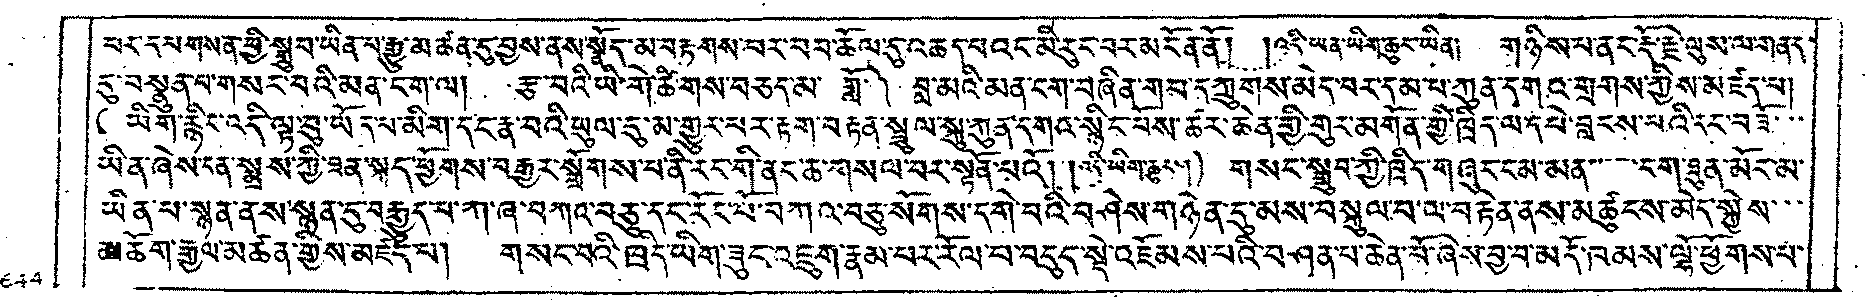པར་དཔགས་ན་ཕྱི་སྒྲུབ་ཡིན་པ་རྒྱུ་མཚན་དུ་བྱས་ནས་སྣོད་མ་བརྟགས་པར་བབ་ཆོལ་དུ་འཆད་པའང་མི་རུང་བར་མངོན་ནོ། ། འདི་ཡན་ཡིག་ཆུང་ཡིན།  གཉིས་པ་ནང་རྡོ་རྗེ་ལུས་ལ་གནད་
དུ་བསྣུན་པ་གསང་བའི་མན་ངག་ལ། རྩ་བའི་ཡི་གེ་ཚིགས་བཅད་མ་གླ྄ོ་བླ་མའི་མན་ངག་བཞིན་གབ་དཀྲུགས་མེད་པར་དམ་པ་ཀུན་དགའ་གྲགས་ཀྱིས་མཛད་པ།
ཡི་གེ་རྙིང་འདི་ལྟ་བུ་ཡོད་པ་མིག་དང་རྣ་བའི་ཡུལ་དུ་མ་གྱུར་པར་རྟག་བརྟན་སྤྲུལ་སྐུ་ཀུན་དགའ་སྙིང་པོས་ཚར་ཆེན་གྱི་གུར་མགོན་གྱི་ཁྲིད་ལ་དཔེ་བླངས་པའི་རང་བཟོ་
ཡིན་ཞེས་ངན་སྨྲས་ཀྱི་ཐན་སྐད་ཕྱོགས་བརྒྱར་སྒྲོགས་པ་ནི་རང་གི་ནང་ཆ་གསལ་བར་སྟོན་པའོ། ། འདི་ཡིག་ཆུང་།  གསང་སྒྲུབ་ཀྱི་ཁྲིད་གཞུང་ངམ་མན་ངག་ཐུན་མོང་མ་
ཡིན་པ་སྙན་ནས་སྙན་དུ་བརྒྱུད་པ་ཀ་ཞ་བཀའ་བཅུ་དང་རོང་པོ་བཀའ་བཅུ་སོགས་དགེ་བའི་བཤེས་གཉེན་དུ་མས་བསྐུལ་བ་ལ་བརྟེན་ནས་མཚུངས་མེད་སྐྱེས་
མཆོག་རྒྱལ་མཚན་གྱིས་མཛད་པ། གསང་བའི་ཁྲིད་ཡིག་ཟུང་འཇུག་རྣམ་པར་རོལ་པ་བདུད་སྡེ་འཇོམས་པའི་བཤན་པ་ཆེན་པོ་ཞེས་བྱ་བ་མདོ་ཁམས་ལྷོ་ཕྱོགས་པ་